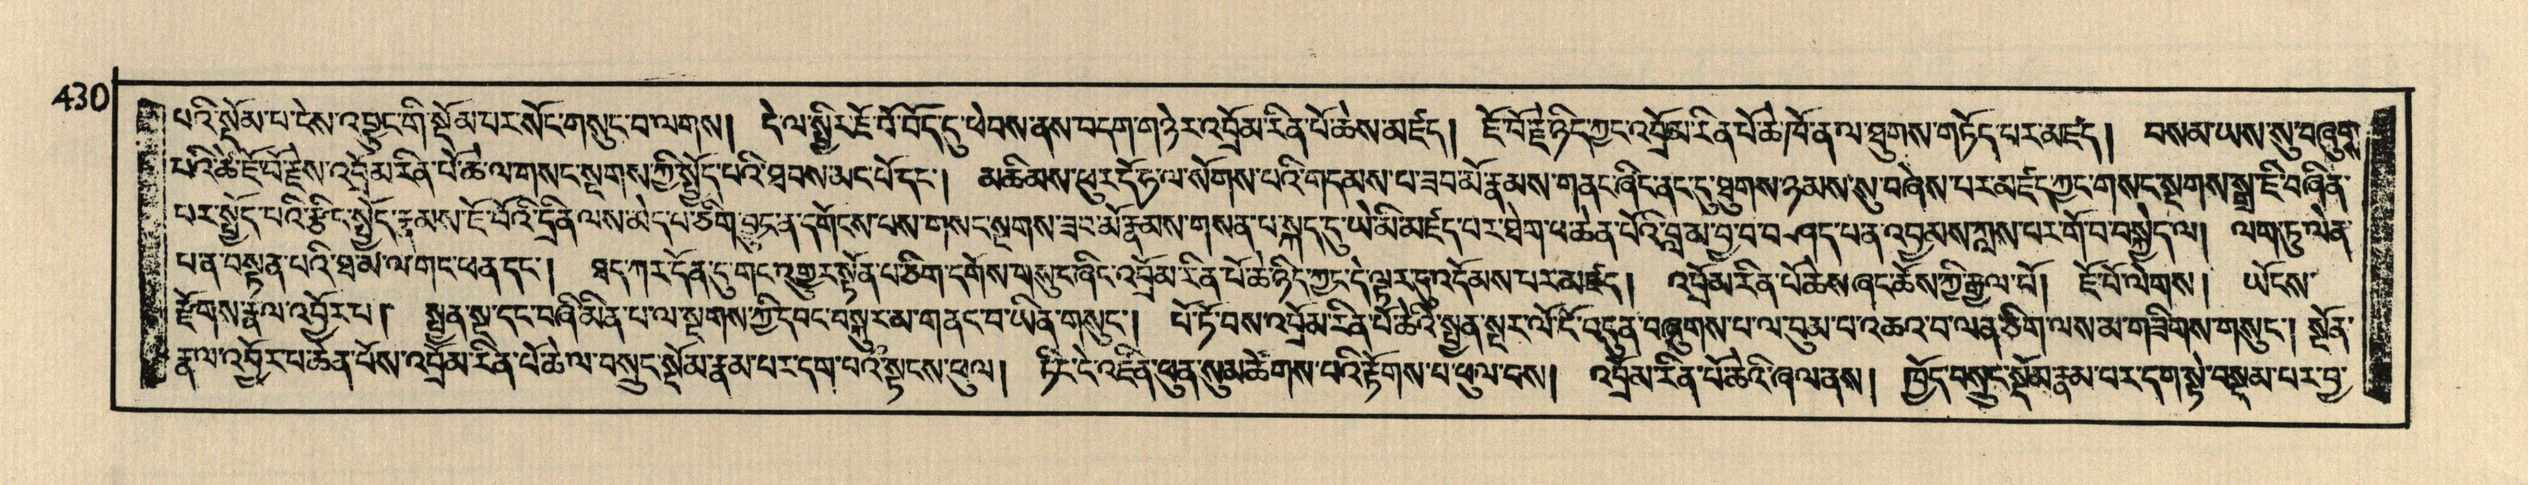པའི་སྡོམ་པ་ངེས་འབྱུང་གི་སྡོམ་པར་སོང་གསུང་བ་ལགས། དེ་ལ་སྤྱིར་ཇོ་བོ་བོད་དུ་ཕེབས་ནས་བདག་གཉེར་འབྲོམ་རིན་པོ་ཆེས་མཛད། ཇོ་བོ་རྗེ་ཉིད་ཀྱང་འབྲོམ་རིན་པོ་ཆེ་ཁོ་ན་ལ་ཐུགས་གཏོད་པར་མཛད། བསམ་ཡས་སུ་བཞུགས་
པའི་ཚེ་ཇོ་བོ་རྗེས་འབྲོམ་རིན་པོ་ཆེ་ལ་གསང་སྔགས་ཀྱི་སྤྱོད་པའི་ཐབས་མང་པོ་དང་། མཆིམས་ཕུར་དོ་ཧ་ལ་སོགས་པའི་གདམས་པ་ཟབ་མོ་རྣམས་གནང་ཞིང་ནང་དུ་ཐུགས་ཉམས་སུ་བཞེས་པར་མཛད་ཀྱང་གསང་སྔགས་སྒྲ་ཇི་བཞིན་
པར་སྤྱོད་པའི་རྩིང་སྤྱོད་རྣམས་ཇོ་བོའི་དྲིན་ལས་མེད་པ་ཅིག་བྱུང་ན་དགོངས་པས་གསང་སྔགས་ཟབ་མོ་རྣམས་གསན་པ་སྐད་དུ་ཡེ་མི་མཛད་པར་ཐེག་པ་ཆེན་པོའི་བླ་མ་བྱ་བ་བཤད་པ་ན་འབྱམས་ཀླས་པར་གོ་བ་བསྐྱེད་ལ། ལག་ཏུ་ལེན་
པ་ན་བསྟན་པའི་ཐ་མ་ལ་གང་ཕན་དང་། ཐད་ཀར་དོན་དུ་གང་འགྱུར་སྟོན་པ་ཅིག་དགོས་གསུང་ཞིང་འབྲོམ་རིན་པོ་ཆེ་ཉིད་ཀྱང་དེ་ལྟར་དུ་འདོམས་པར་མཛད། འབྲོམ་རིན་པོ་ཆེས་ཞང་ཆོས་ཀྱི་རྒྱལ་པོ། ཇོ་བོ་ལེགས། ཡོངས་
རྫོགས་རྣལ་འབྱོར་པ། སྤྱན་སྔ་དང་བཞི་མིན་པ་ལ་སྔགས་ཀྱི་དབང་བསྐུར་མ་གནང་བ་ཡིན་གསུང་། པོ་ཏོ་བས་འབྲོམ་རིན་པོ་ཆེའི་སྤྱན་སྔར་ལོ་ངོ་བདུན་བཞུགས་པ་ལ་བུམ་པ་འཆའ་བ་ལན་ཅིག་ལས་མ་གཟིགས་གསུང་། སྔོན་
རྣལ་འབྱོར་པ་ཆེན་པོས་འབྲོམ་རིན་པོ་ཆེ་ལ་བསྲུང་སྡོམ་རྣམ་པར་དག་པའི་སྟངས་ཕུལ། ཏིང་ངེ་འཛིན་ཕུན་སུམ་ཚོགས་པའི་རྟོགས་པ་ཕུལ་བས། འབྲོམ་རིན་པོ་ཆེའི་ཞལ་ནས། ཁྱོད་བསྲུང་སྡོམ་རྣམ་པར་དག་སྟེ་བསྡམ་པར་བྱ་